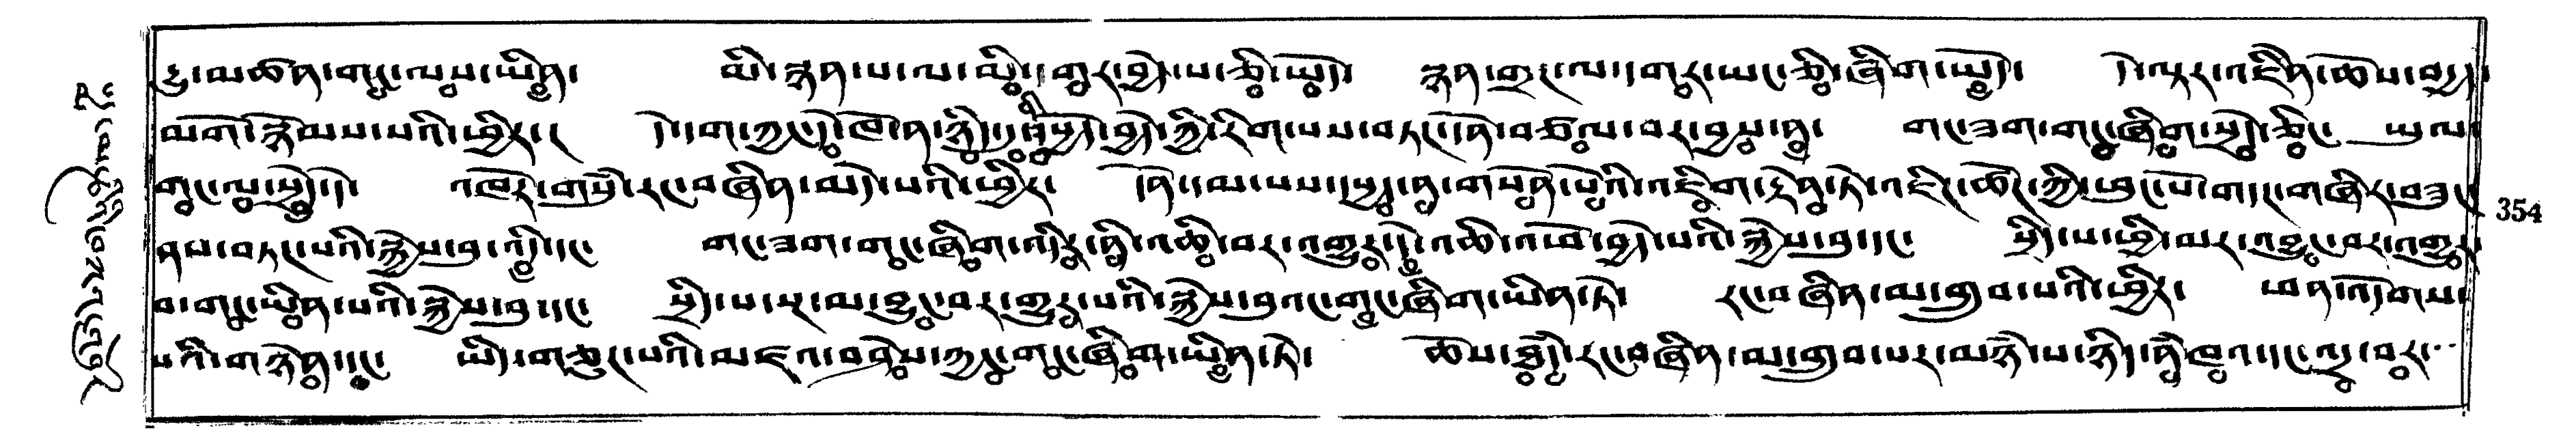རྒྱུ་མཚན་གང་ལས་ཡིན། མི་སྙན་པ་ལ་མི་དགར་བྱེད་པ་ཅི་ཡོད། སྙན་གྲགས་ལ་དགའ་ཡང་ཅི་ཞིག་ཡོད། དེ་ལྟར་འཇིག་རྟེན་ཆོས་བརྒྱད་
མགོ་སྙོམས་པའི་ཕྱིར། དེ་དག་ཀྱང་དེ་ཁོ་ན་ཉིད་དུ་ནི་དཔྱོད་བྱེད་ཀྱི་རིགས་པས་བཏགས་དོན་བཙལ་བར་བྱས་ན། གང་ཟག་གང་ཞིག་སྲེད་ཅིང་། ཡུལ་
གང་ལ་སྲེད་དེ། འཁོར་གསུམ་རང་བཞིན་མེད་པའི་ཕྱིར། དོན་དམ་པས་དཔྱད་ན་གསོན་པོའི་འཇིག་རྟེན་ཏེ་འཇིགས་ཚོགས་ཀྱི་ཕུང་པོ་གདགས་གཞིར་བཟུང་
ནས་བཏགས་པའི་སྐྱེས་བུ་འདི་དང་། གང་ཟག་གང་ཞིག་འདིར་ནི་འཆི་བར་འགྱུར་ཏེ་འཆི་འཕོ་བྱེད་པའི་སྐྱེས་བུ་དང་། སྲིད་པ་ཕྱི་མར་འབྱུང་བར་འགྱུར་
བ་གང་ཡིན་པའི་སྐྱེས་བུ་དང་། སྲིད་པ་སྔ་མ་བྱུང་བར་གྱུར་པའི་སྐྱེས་བུའང་གང་ཞིག་ཡིན་ཏེ། རང་བཞིན་མ་གྲུབ་པའི་ཕྱིར། ཕན་འདོགས་
པའི་གཉེན་དང་། ཡིད་གཅུགས་པའི་མཛའ་བཤེས་ཀྱང་གང་ཞིག་ཡིན་ཏེ། ཆོས་ཐམས་ཅད་རང་བཞིན་མ་གྲུབ་པར་མཉམ་པ་ཉིད་ནམ་མཁའ་དང་འདྲ་བར་